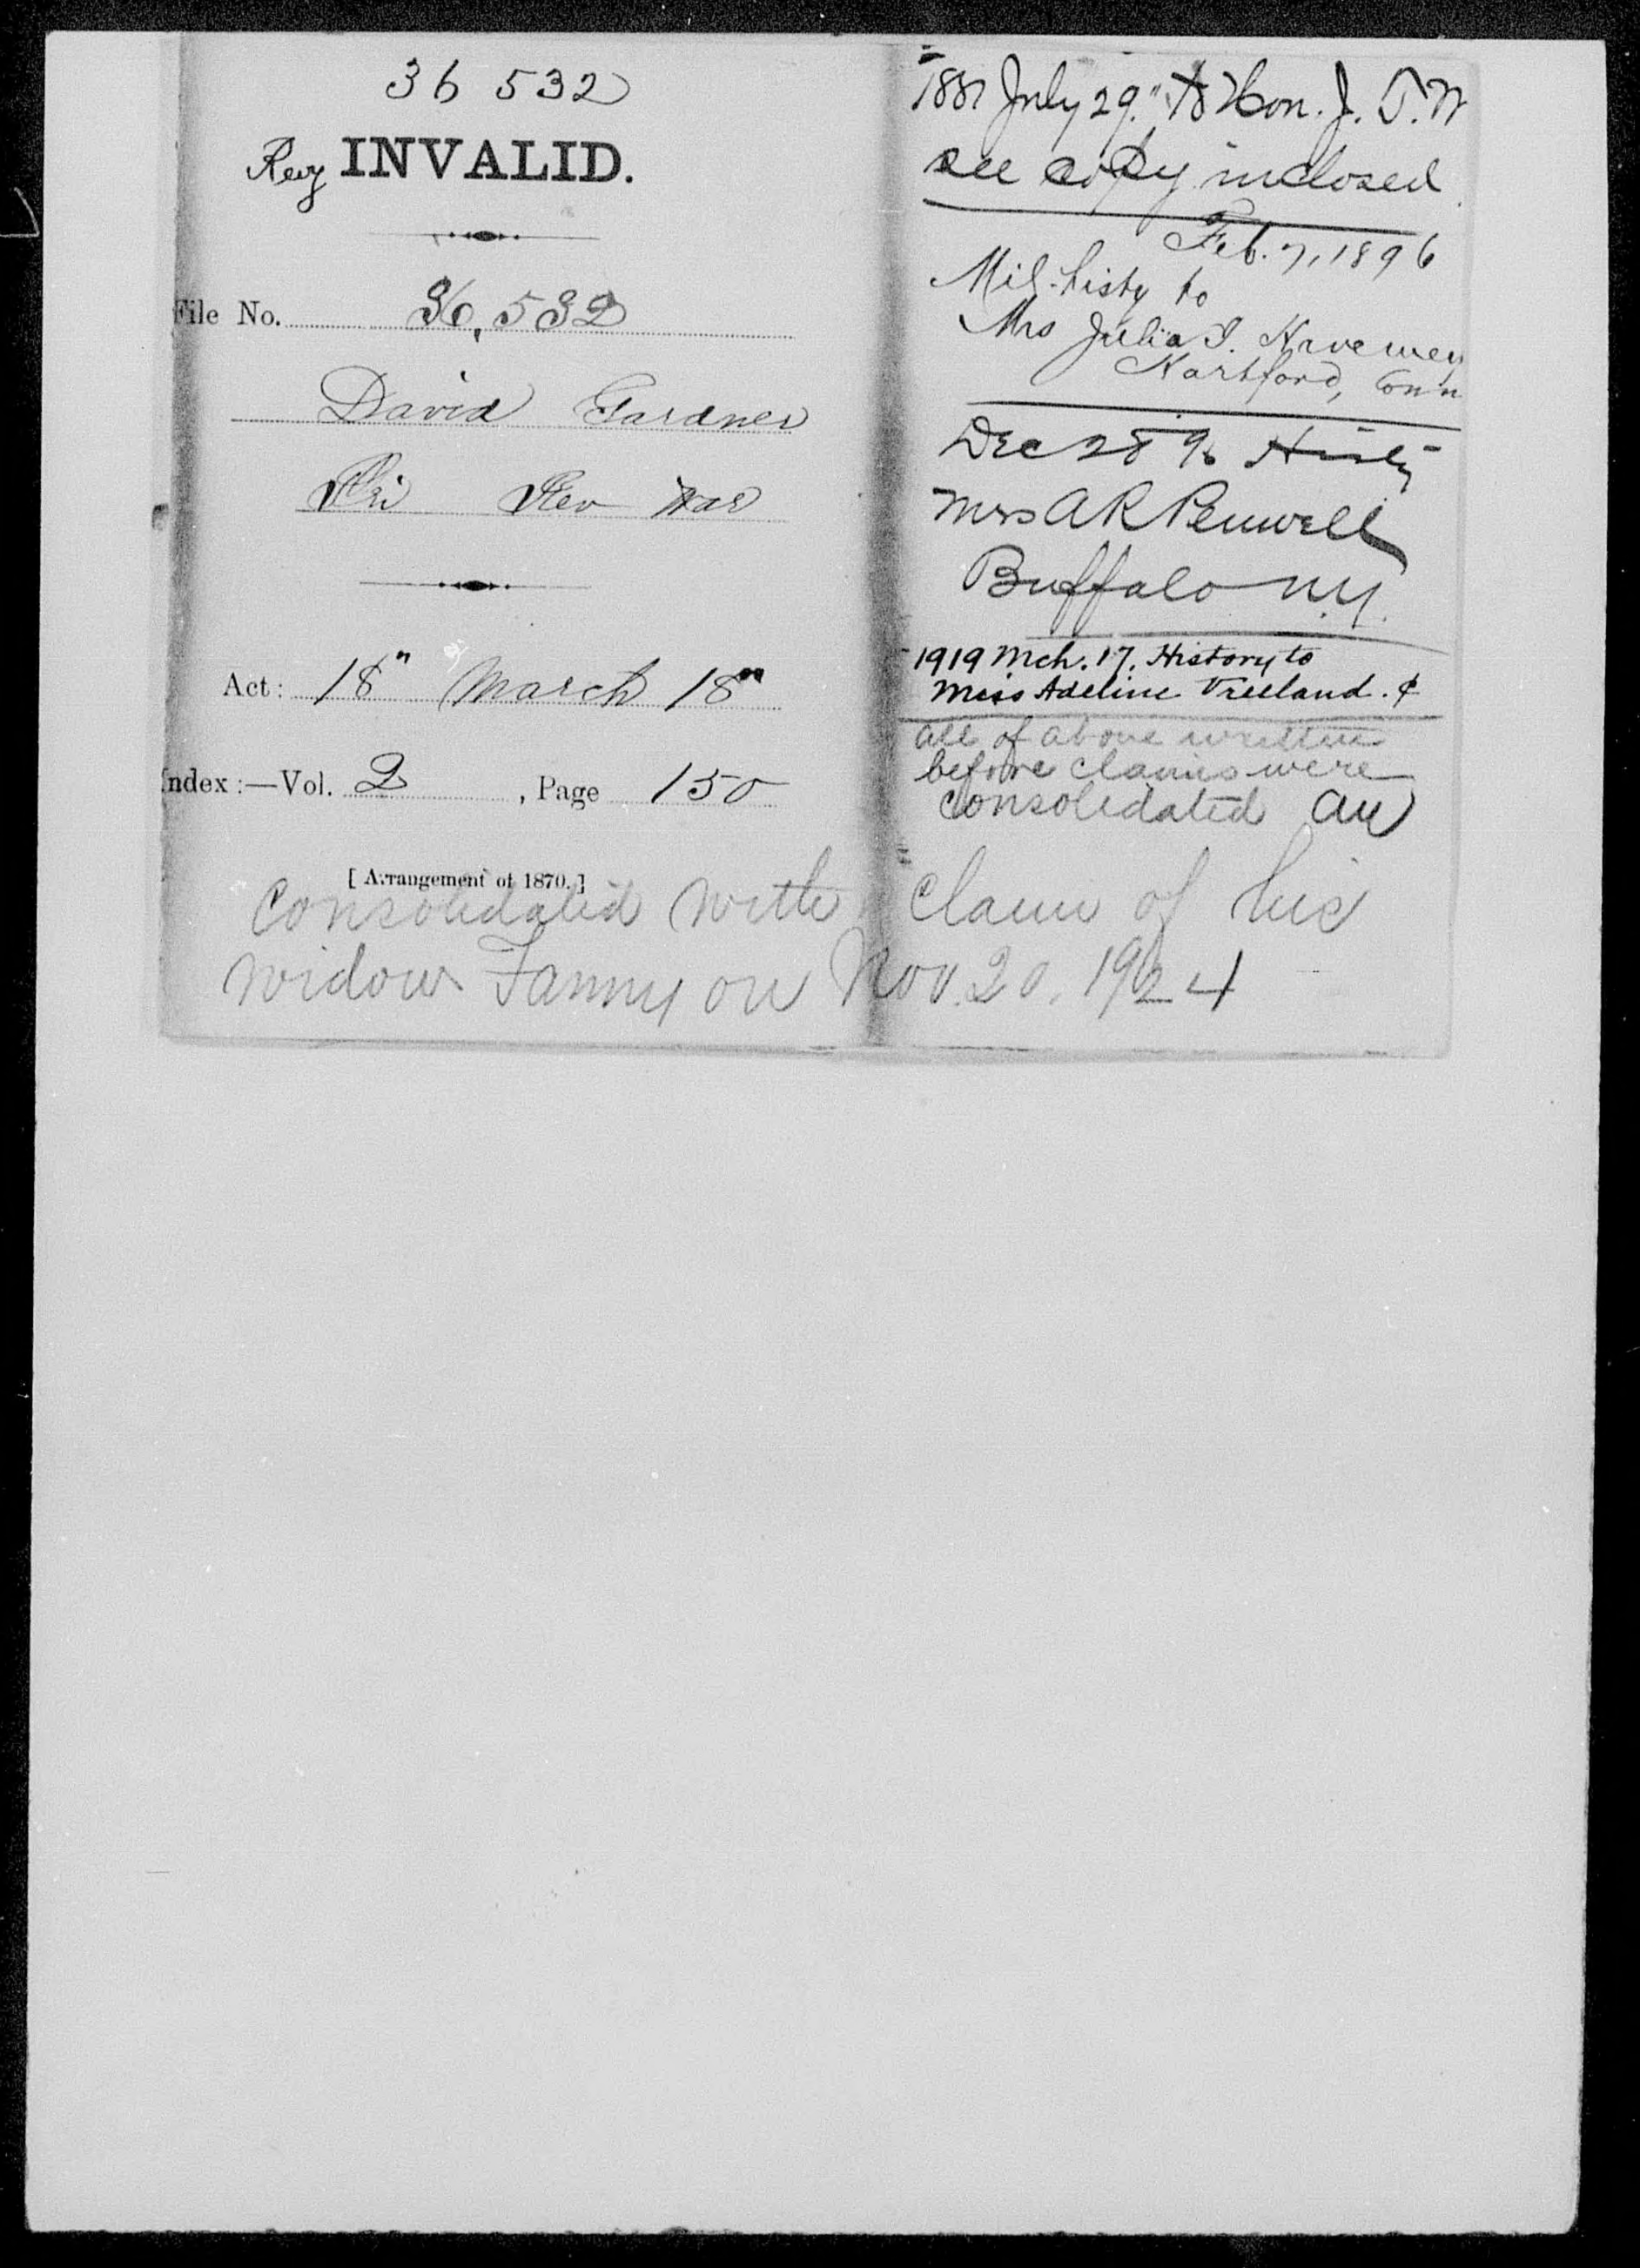36532

Revy
INVALID.
File No. 36.532
David Gardner
Pri Rev War

Act 18 March 18
Index: - Vol. 2, Page 150

(Arrangement of 1870.)
Consolidated with claim of his widow Fanny on Nov 20 1924.

[Transcript of second page - Right side:]

1887 July 29"  to Hon J. T. M see copy inclosed

Feb 7 1896 Mil Histy to Mrs Julia J. Havermen
Hartford Cont.

Dec 28 9[?] HIst Mrs A. R. Penwell Buffalo NY

1919 Mch 17 History to Miss Adeline Treeland $

All of above written before claims were consolidated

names: J T, Adeline Vreeland, Julia I, A R Penwell, David Gardner, Fanny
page: 48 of 66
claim: widow's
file: W 1850, David Gardner, Conn.